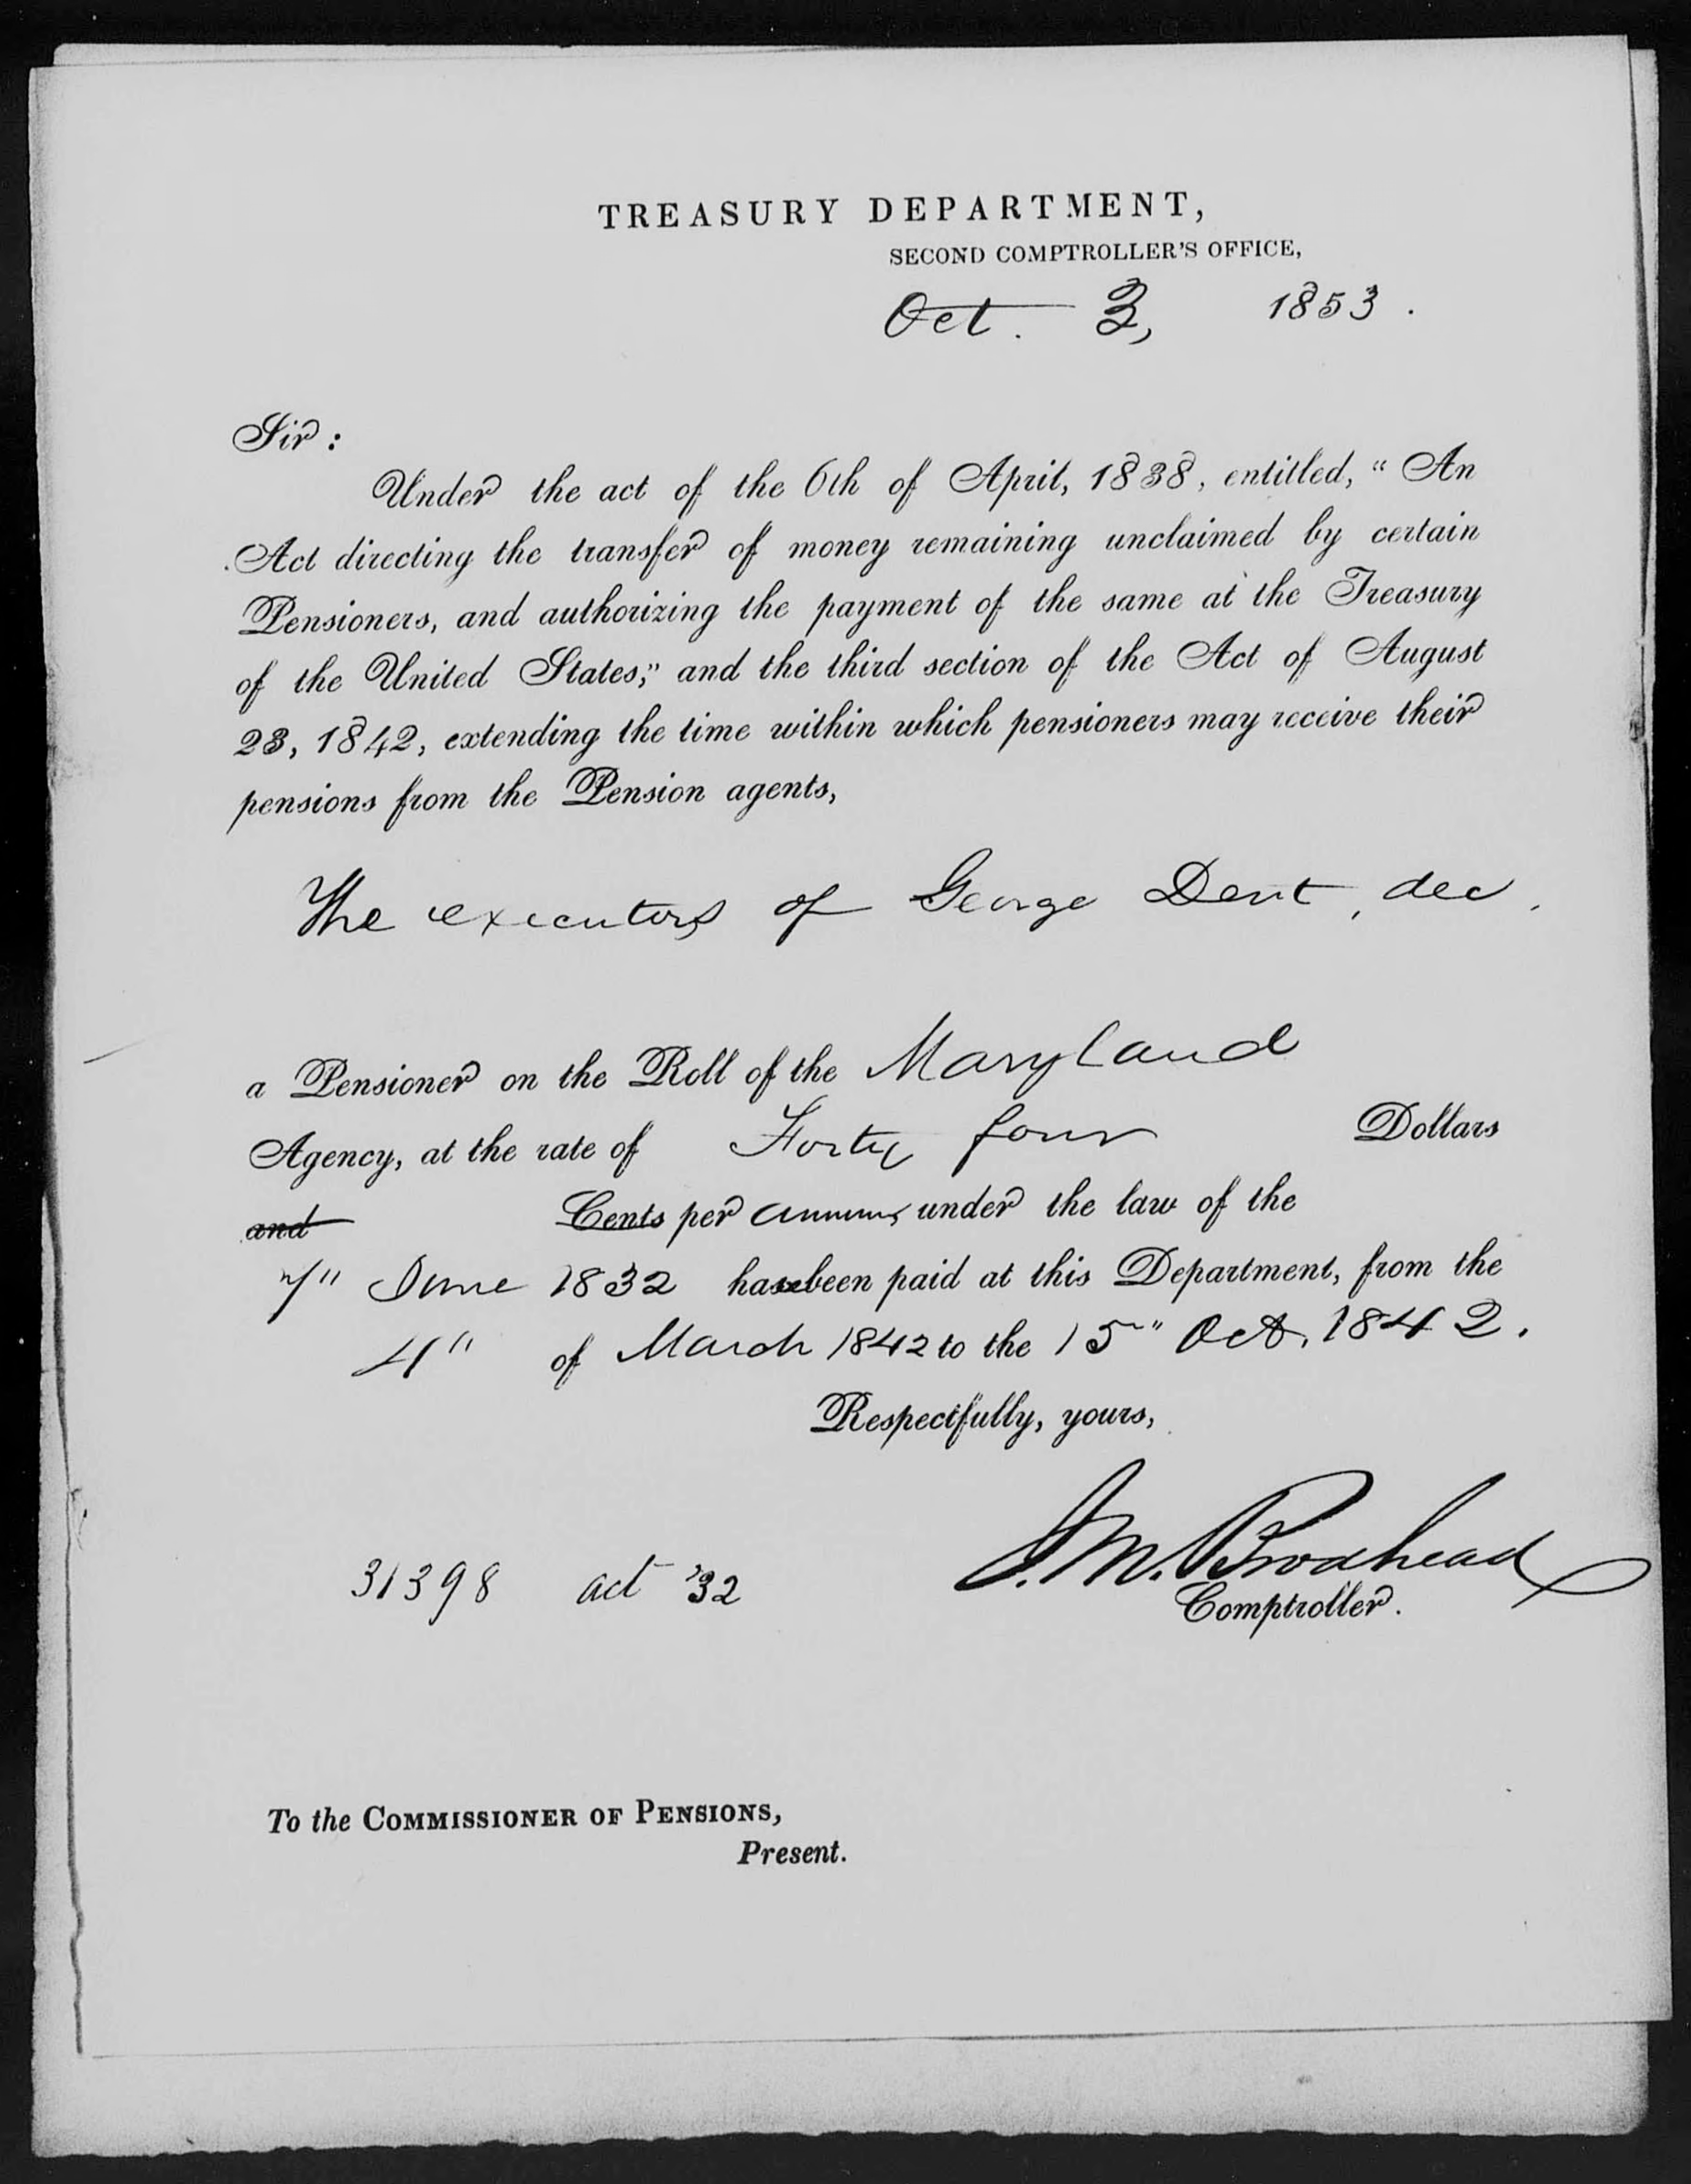[form letter with sections handwritten in]
TREASURY DEPARTMENT,
SECOND COMPTROLLER'S OFFICE,
Oct. 3. 1853
Sir:  Under the act of the 6th of April, entitled, "An Act directing the transfer of money remaining unclaimed by certain Pensioners, and authorizing the payment of the same at the Treasury of the United States," and the third section of the Act of August 23, 1842, extending the time within which pensioners may receive their pensions from the Pension agents,[handwritten] The executors of George Dent, dec.
a Pensioner on the Roll of the  [handwritten]Maryland Agency, at the rate of [handwritten] Forty four Dollars and cents[crossed out] per[illegible handwritten] under the law of the [handwritten]7'June 1832 has been paid at this Department, from the 4'of March 1842 to the 15'Oct. 1842.
Respectfully, yours, J.M. Brodhead Comptroller
[written to the side] 31398 act '32
To the COMMISIONER OF PENSIONS, Present.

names: M Brodhead, George Dent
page: 37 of 49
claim: survivor's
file: S. 12755, George Dent, Md.